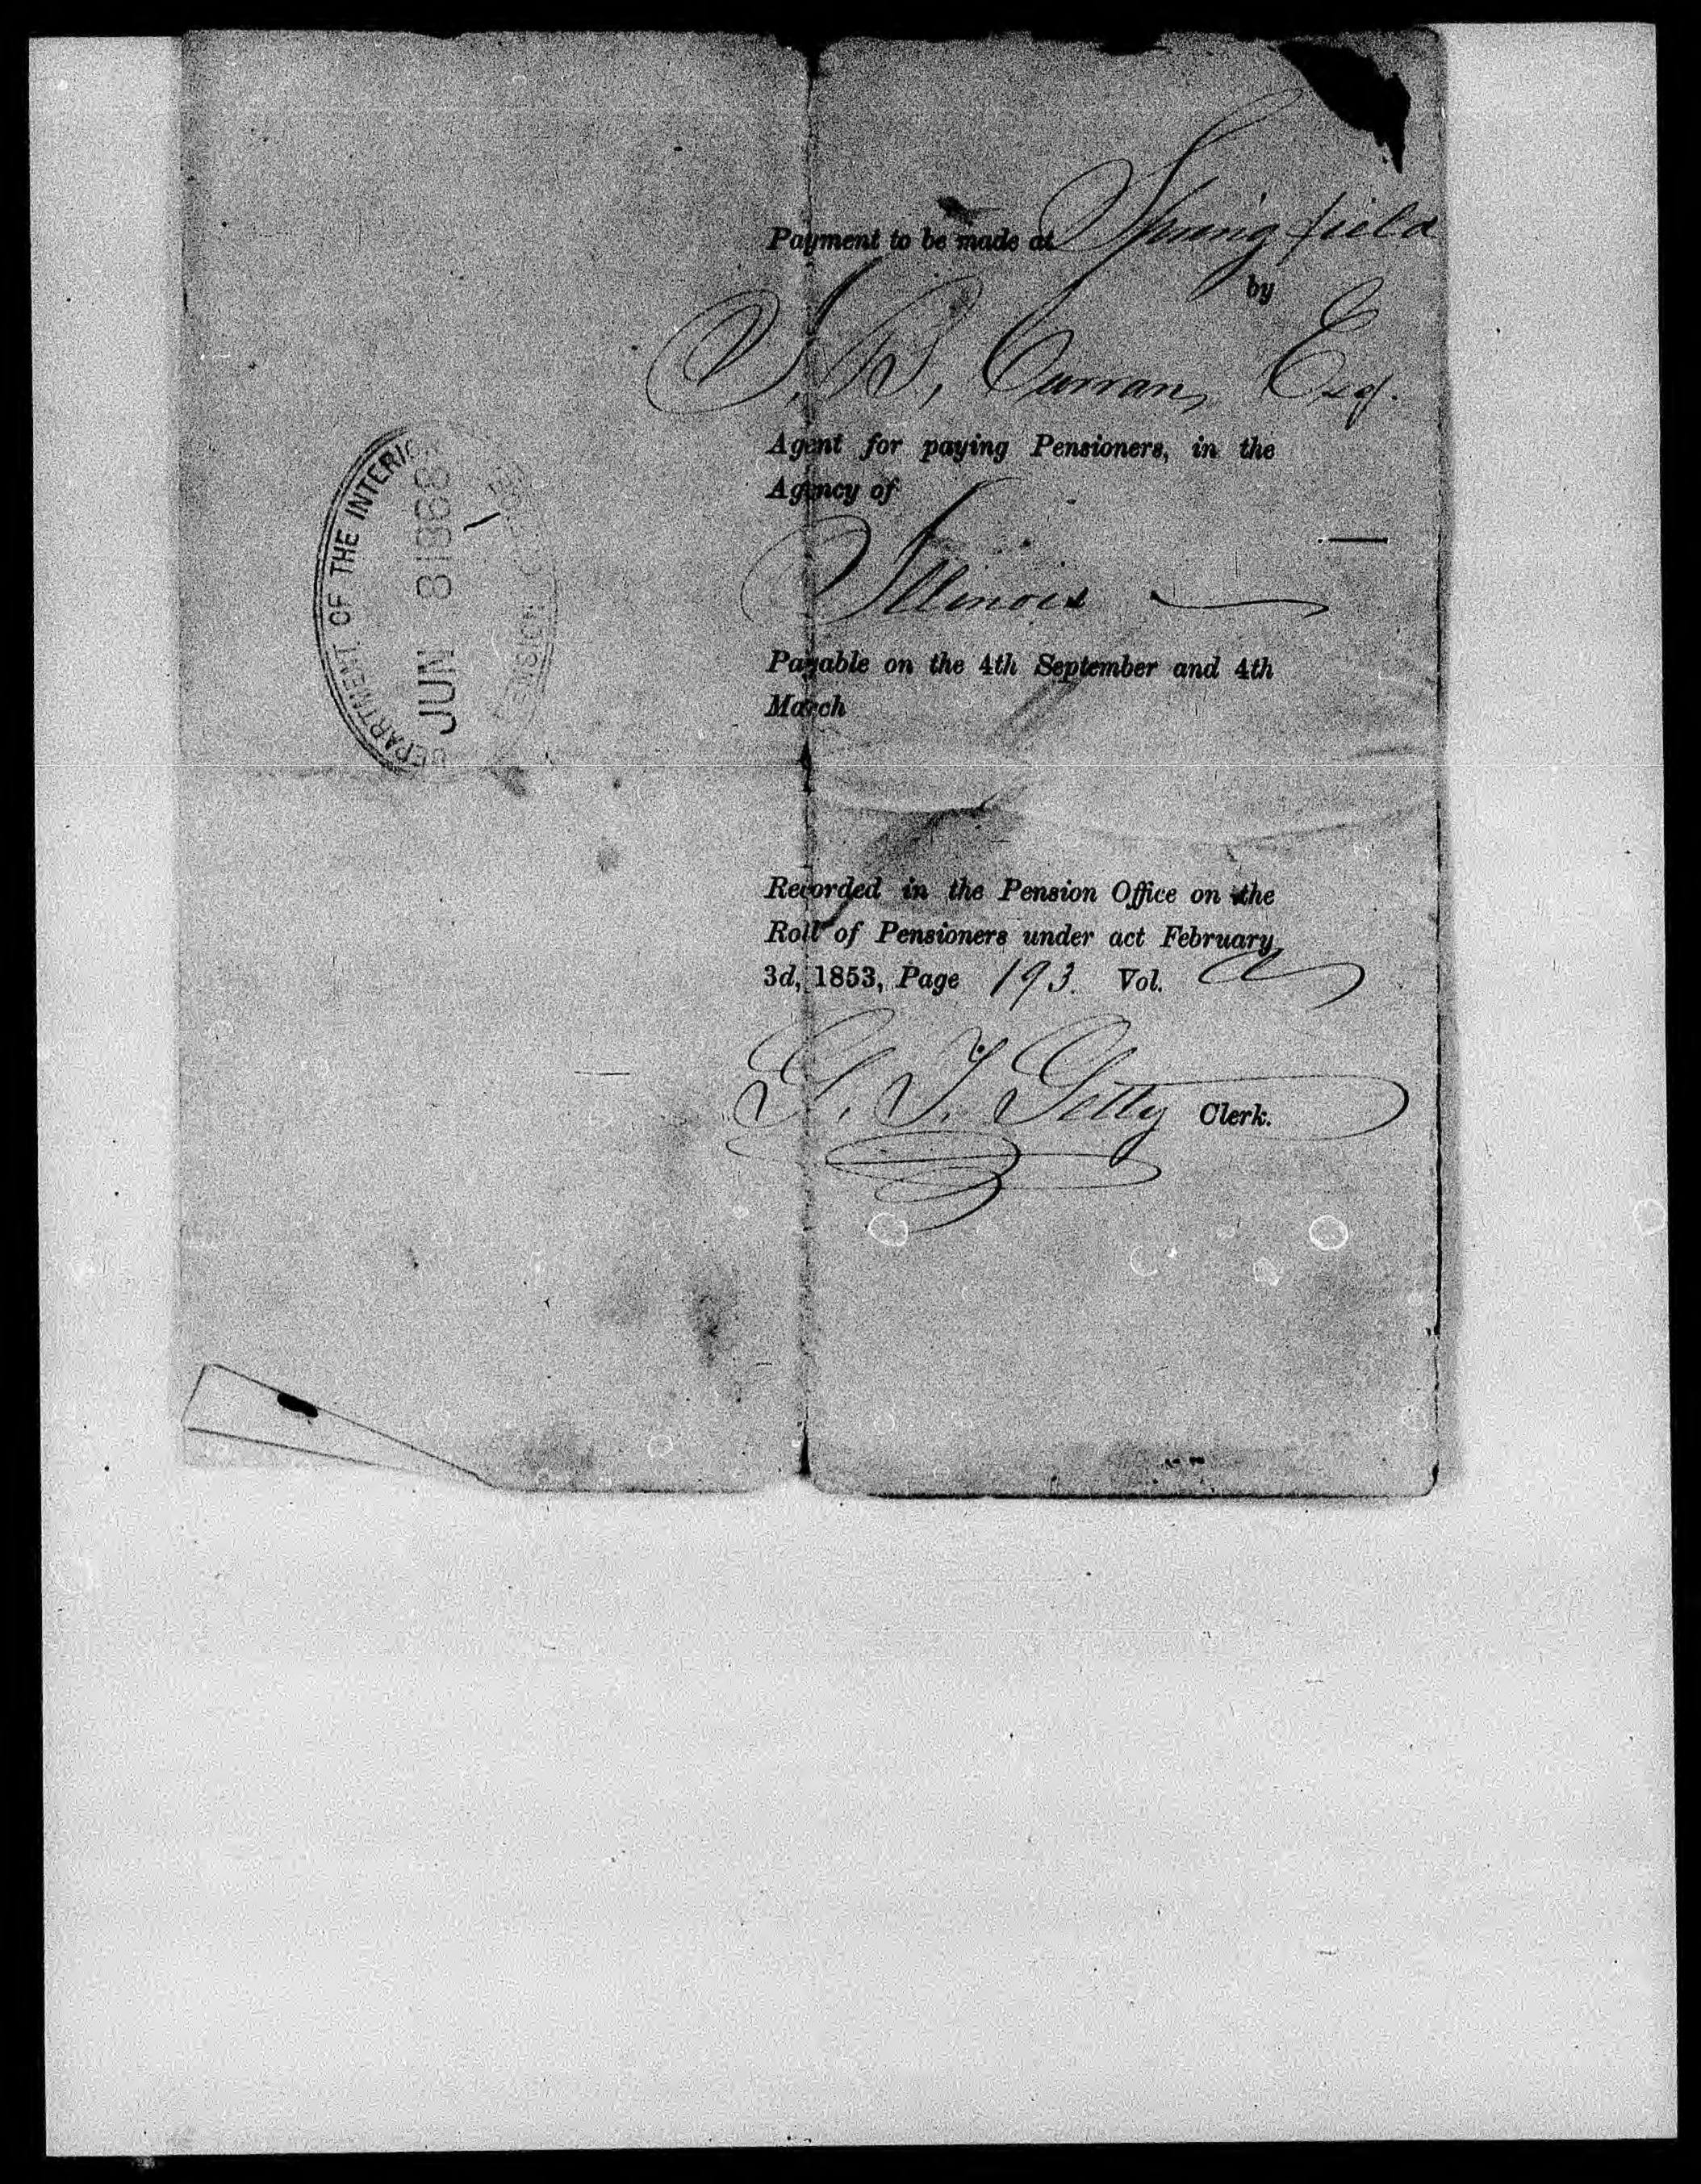Payment to be made at Springfield by J B Curran Esq. Agent for paying Pensioners, in the Agency of Illinois

Payable on the 4th September and 4th March

Recorded in the Pension Office on the Roll of Pensioners under act February 3d, 1853, Page 193 Vol A

G. T. Getty Clerk

[stamp]
DEPARTMENT OF THE INTERIOR
JUN 8 1868
PENSION OFFICE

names: G T Getty; I B Curran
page: 102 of 115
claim: widow's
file: W. 1446, for John Mc Clung, South Carolina